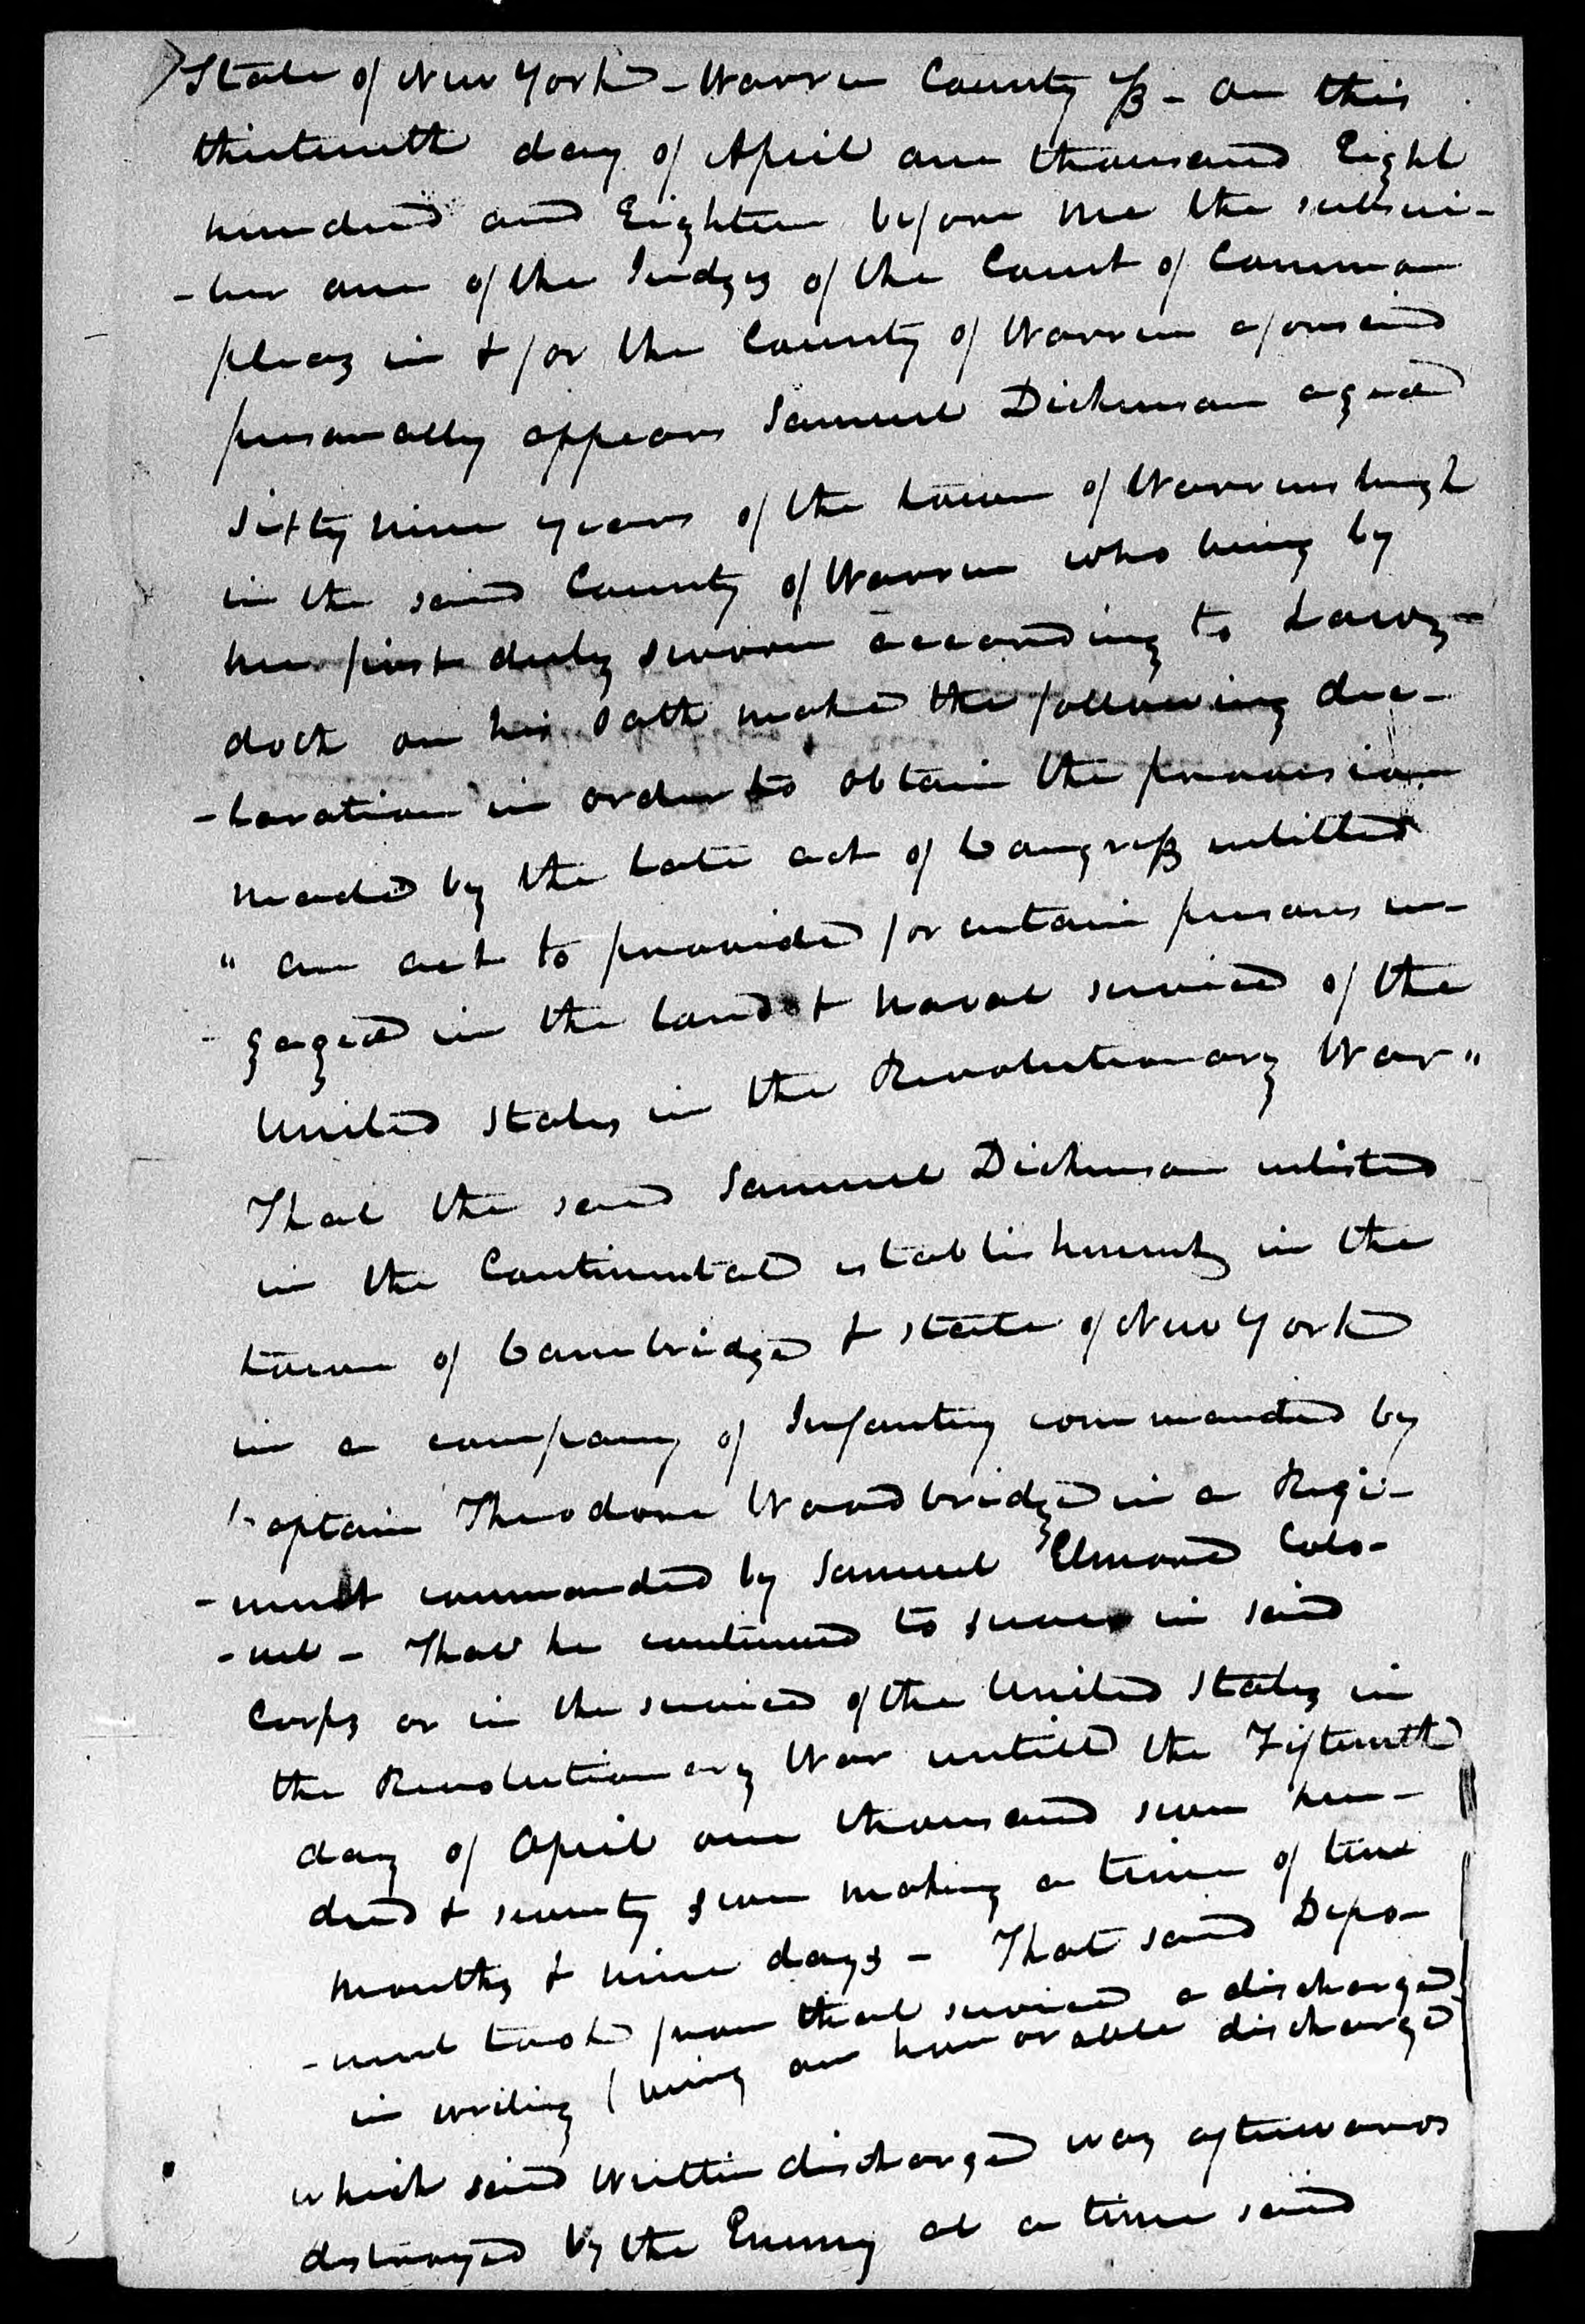State of New York - [illegible] County of - on this thirteenth day of April one thousand Eight hundred and Eighteen before me this [illegible] hour and of the Judge of the Court of Commons being in the County of [illegible] appears Samuel Dickinson aged sixty nine years of the house of Weaver was being brought in the same County of Weaver, who being by his [illegible] display of [illegible] according to Larry - doth on him I get made this following declaration in order to obtain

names: Samuel Dickinson, Theodore Woodbridge, Samuel Dickinson, Samuel Elmond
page: 9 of 60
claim: widow's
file: W 16,955, Samuel Dickinson, Conn.